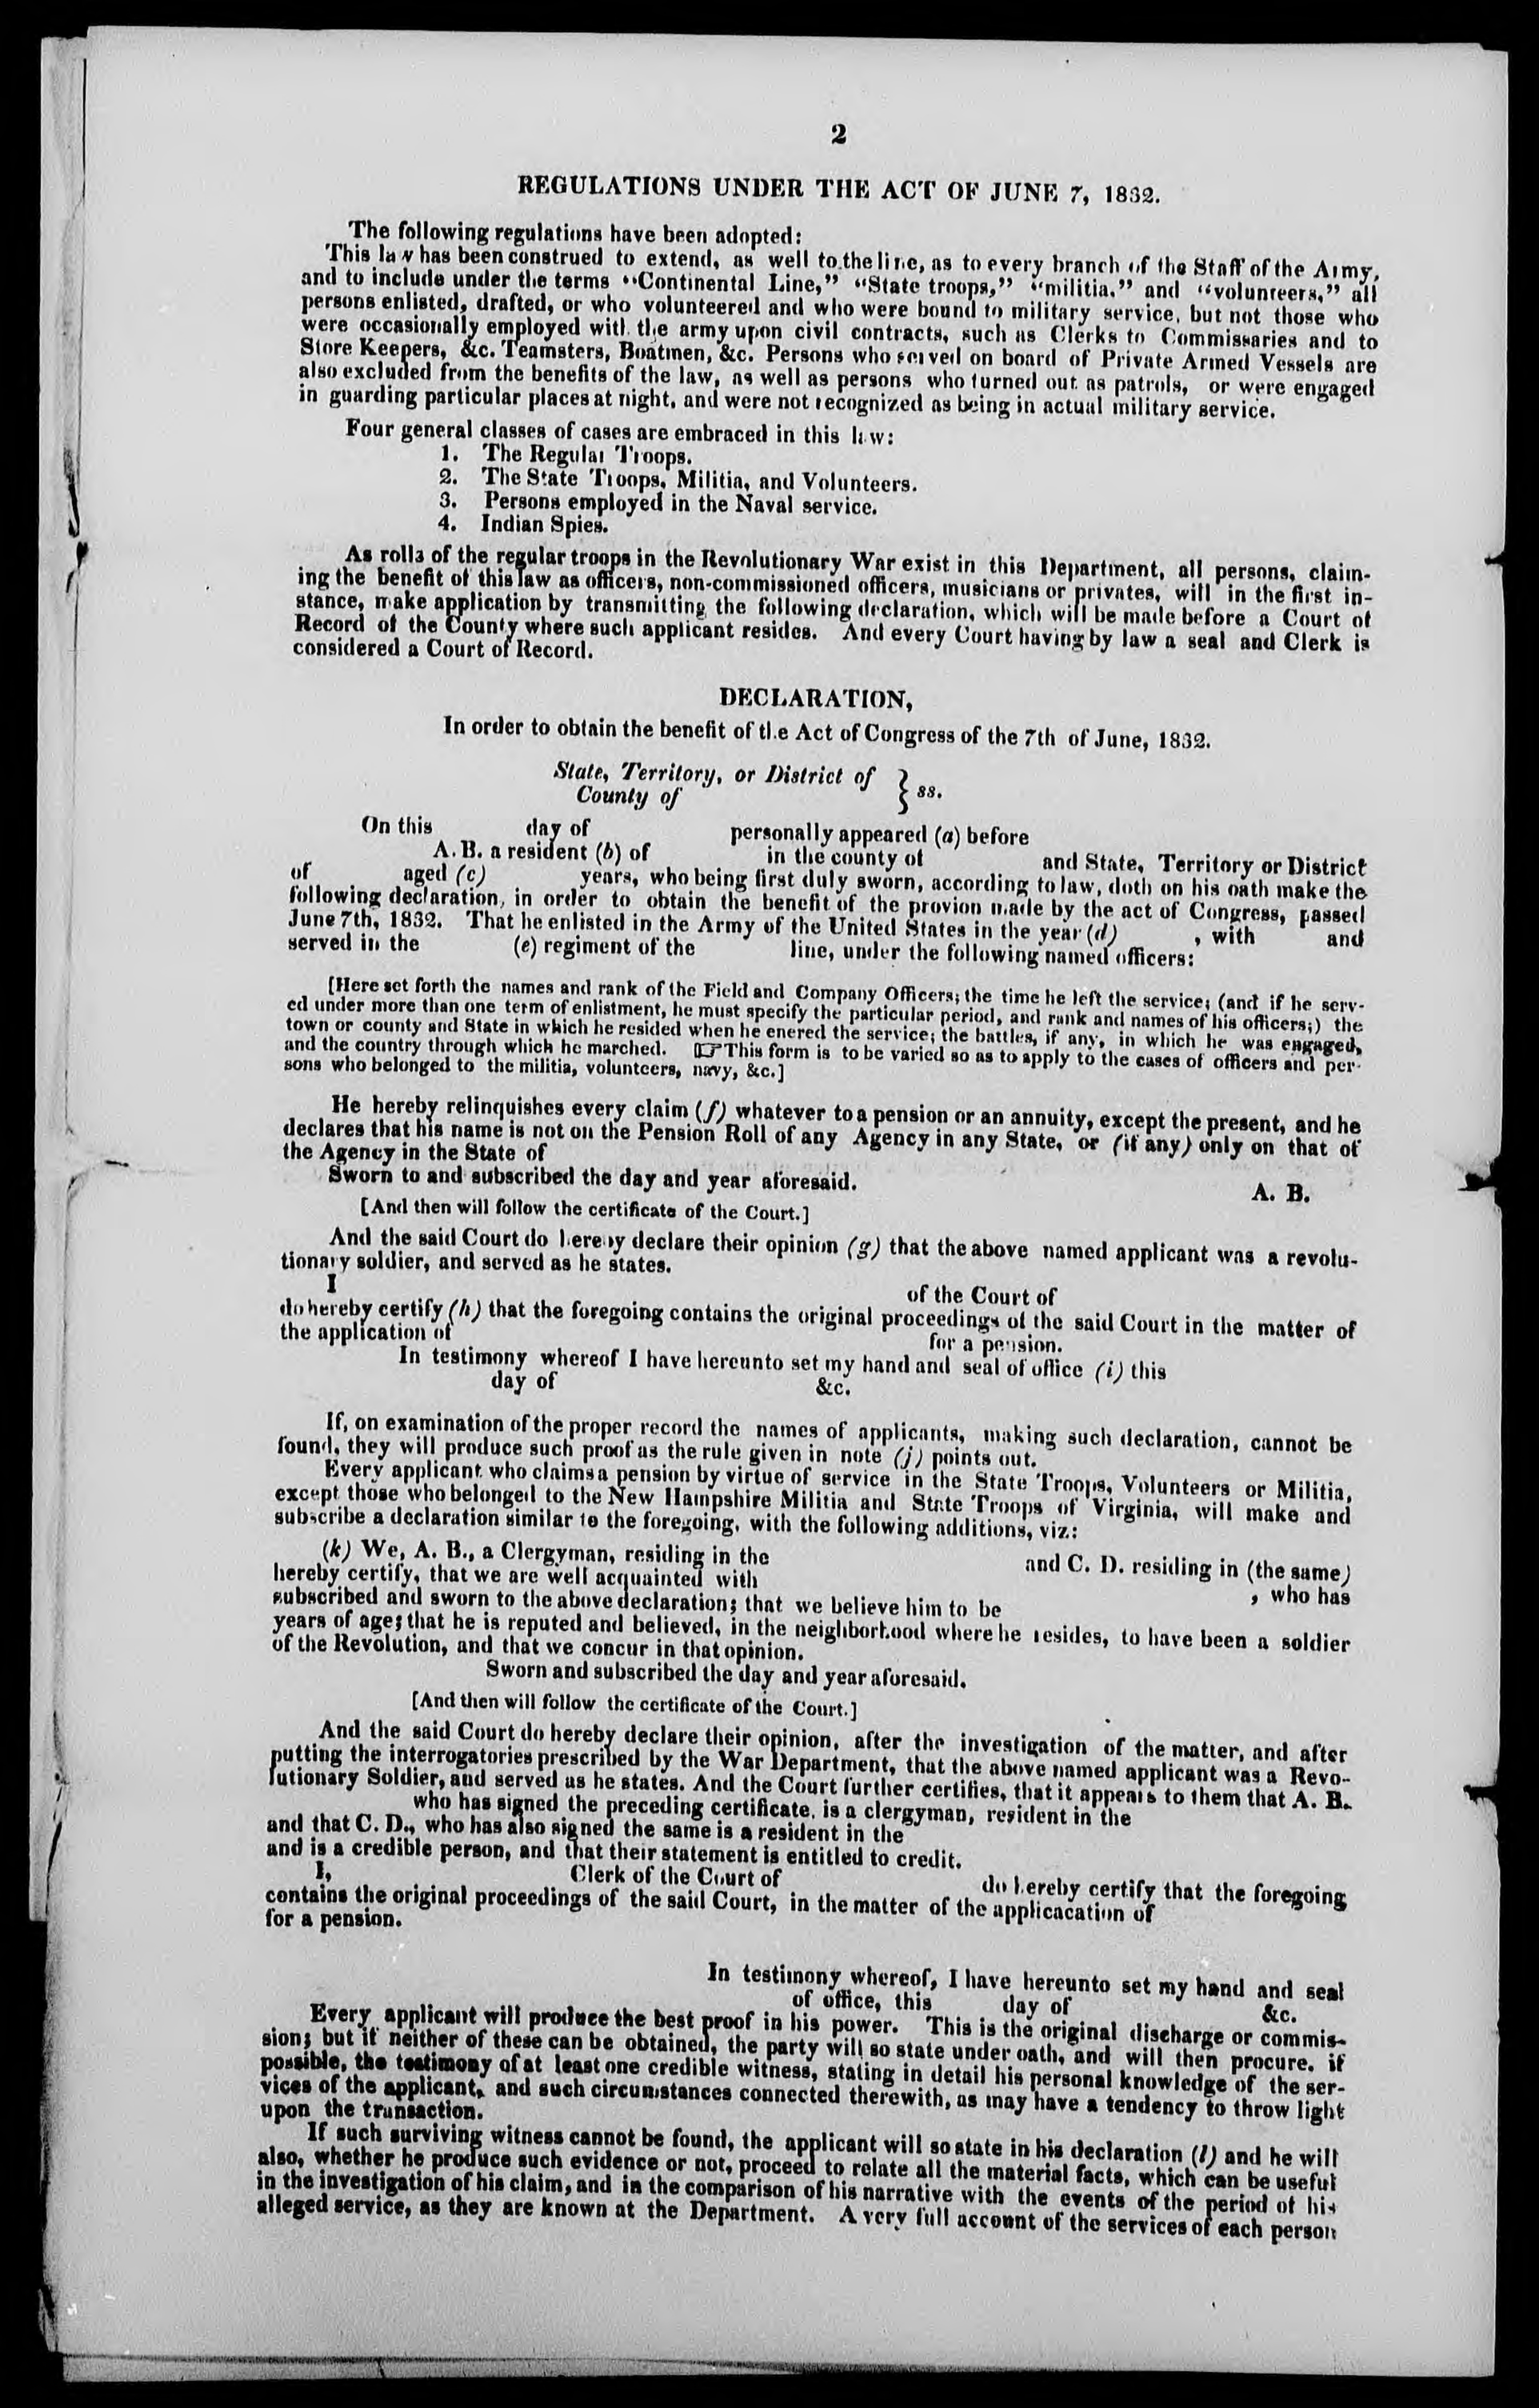REGULATIONS UNDER THE ACT OF JUNE 7, 1832
The following regulations have been adopted:
This law has been construed to extend, as well to the line, as to every branch of the Staff of the Army, and to include under the terms "Continental Line," "State troops," "militia," and "volunteers," all persons enlisted, drafted, or who volunteered and who are bound to military service, but not those who were occasionally employed with the army upon civil contracts, such as Clerks to Commissaries and to Store Keepers, etc. Teamsters, Boatmen, etc.  Persons who served on board of Private Armed Vessels are also excluded from the benefits of the law, as well persons who turned out as patrols, or were engaged in guarding particular places at night, and were not recognized as being in actual military service.
Four general classes of cases are embraced in this law:
1.  The Regular Troops
2.  The State Troops, Militia and Volunteers
3.  Persons employed in the Naval service
4.  Indian Spies
As rolls of the regular troops in The Revolutionary War exist in this Department, all persons, claiming the benefit of this law as officers, non-commissioned officers, musicians or privates will in the first instance, make application by transmitting the following declaration, which will be made before a Court of Record of the County whre such applicant resides.  And every Court having by law a seal and Clerk is considered a Court of Record.
Declaration,
In order to obtain the benefit of the Act of Congress of the 7th of June, 1832, State, Territory, or District of County of } ss.
On this (space) day of (space) personally appeared (a) before  (space) A.B. a resident (b) of (space) in the county of (space) and State, Territory or District of (space) aged (c) (space) years, who being first duly sworn, according to law, doth on this oath make the following declaration, in order to obtain the benefit of the provion made by the act of Congress, passed June 7th, 1832.  That he enlisted in the Army of the United States in the year (d) (space), with (space) and served in the (space) (e) regiment of the (space) line, under the following named officers:
[Here set forth the names and rank of the Field and Company Officers; the time he left the service; (and if he served under more than one term of enlistment, he must specify the particular period, and rank and names of his officers) the town or county and State in which he resided when he entered the servic; the battles, if any, in which he was engaged, and the country through which he marched.  This form is to be varied so as to apply to the cases of officers and persons who belonged to the militia, volunteers, navy etc.]
He hereby relinquinshes every claim (f) whatever to a pension or an annuity, except the present, and he declares that his name is not on the Pension Roll of any Agency in any State, or (if any) only on that of the Agency in the State of (space).
Sworn to and subscribed the day and year aforesaid.
[And then will follow the certificate of the Court.]
And the said Court do hereby declare this opinion (g) that the above names applicant was a revolutionary soldier, and served as he states.
I (space) of the Court of (space) do hereby certify (h) that the foregoing contains the original proceedings of the said Court in the matter of the application of (space) for a pension.
In testimony whereof I have hereunto set my hand and seal of office (i) this day of (space) etc.
If, on examination of the proper record the names of applicants, making such declaration, cannot be found, the will produce such proof as the rule given in note (j) points out.
Every applicant who claims a pension by virtue of service in the State Troops, Volunteers, or Militia except those who belonged to the New Hampshire Militia and State Troops of Virginia, will make and subscribe a declaration similar to the foregoing, with the following additions, viz:
(k) We, A.B. a Clergyman residing in the (space) and C.D. residing in (the same) hreby certify, that we are will acquainted with (space), who has subscribed and sworn to the above declaration; that we believe him to be (space) years of age; that he is reputed and believed, in the neighborhood where he resides, to have been a soldier in the Revolution, and that we concur in that opinion.
Sworn and subscribed the day and year aforesaid.[And then will follow the certificat of the Court]
And the said Court do hereby declare their opinion, after the investigation of the matter, and after putting the interrogatories prescribed by the War Department, that the above named applicant was a Revolutionary Soldier, and served as he states.  And the Court further certifies, that it appear to them that A.B. who has signed the preceding certificate is a clergyman, resident in the (space) and that C.D. who has also signed the same is a resident in the (space) and is a credible person, and that their statement is entitled to credit.
I, (space) Clerk of the Court of (space) do hereby certify that the foregoing contains the original proceedings of the said Court, in the matter of the application of (space) for a pension.
In testimony whereof, I have hereunto set my hand and seal of office, this (space) day of (space) etc.
Every applicant will produce the best proof in his power.  This is the original discharge or commission; but if neither of these can be obtained, the party will so state under oath, and will then procure, if possible, the testimony of at least one credible witness, stating in detail his personal knowledge of the services of the applicant, and such circumstatnces connected therewith, as may have a tendency to throw light upon the transaction.
If such surviving witness cannot be found, the applicant will so state in his declartion (l) and he will also, whether he produces such evidence or not, proceed to relate all the material facts, which can be useful in the investigation of his claim, and is the comparison of his narrative with the events of the period of his alleged service, as they are known at the Department.  A very full account of the services of each person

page: 10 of 35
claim: survivor's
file: S. 28727, Abraham Finch, Conn.